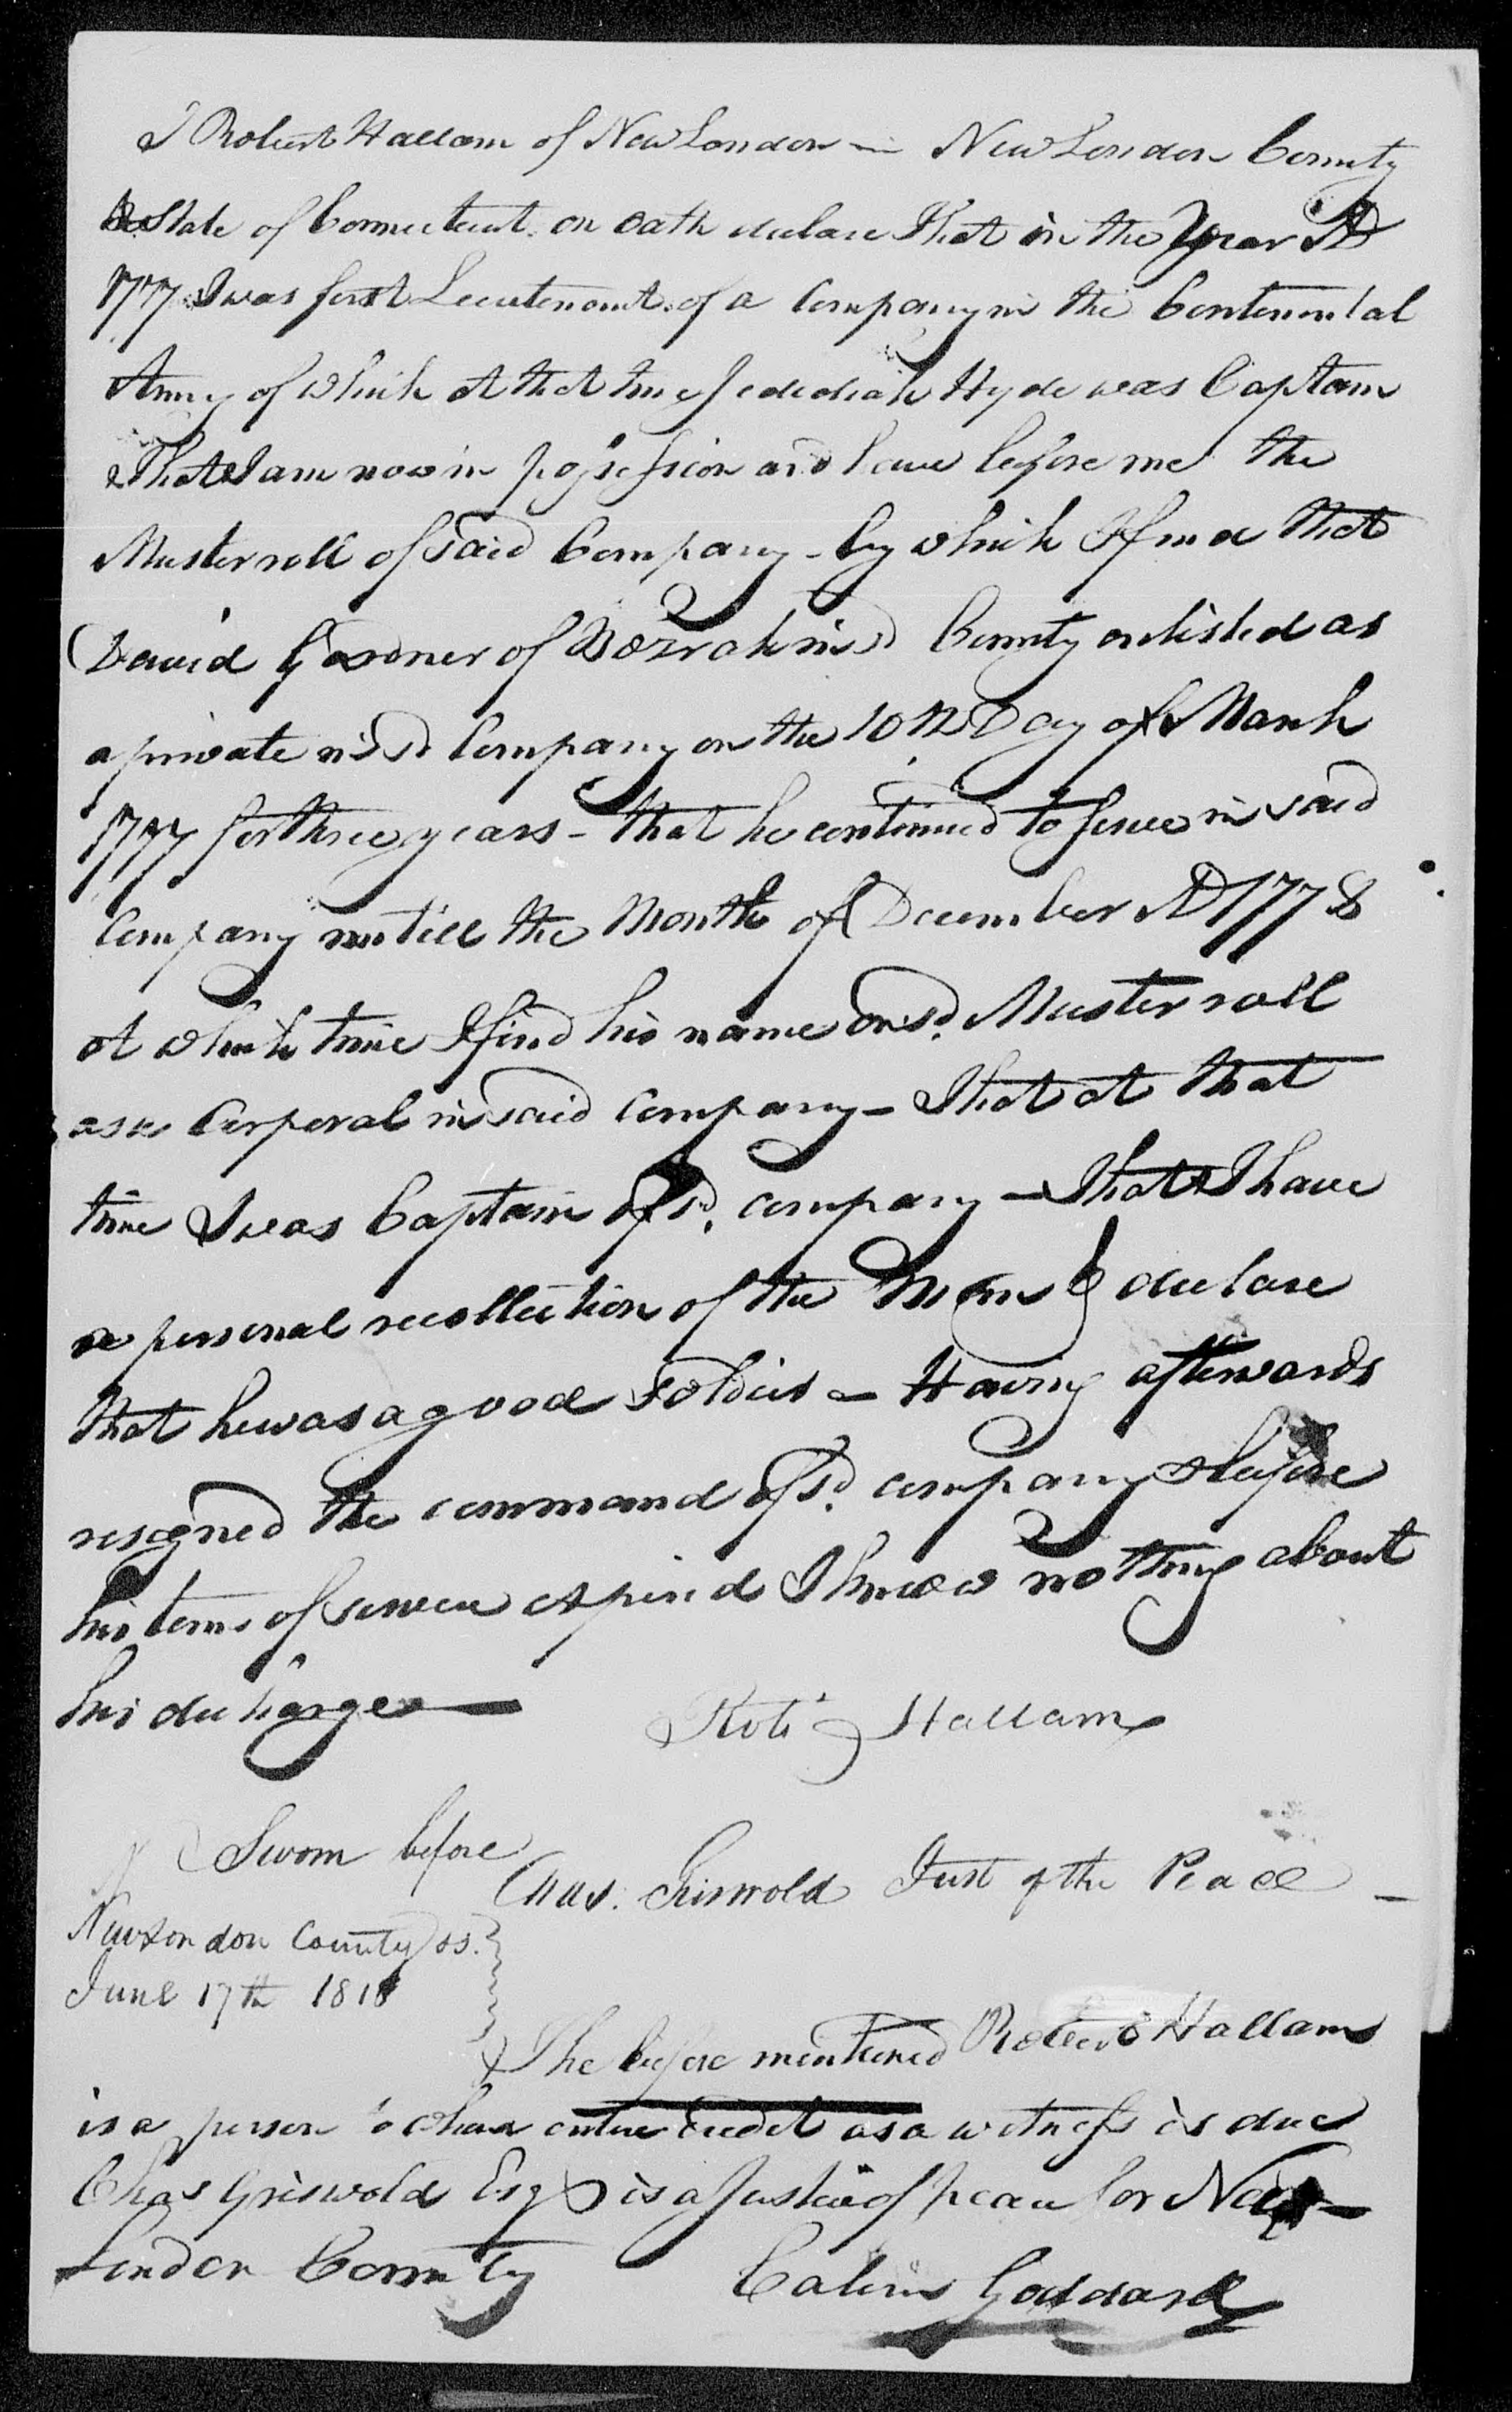I Robert Hallam of New London in New London County State of Connecticut on oath declare that in the Year AD 1777 - I was first Lieutenant of a Company in the Continental Army of which at that time a Jedediah Hyde was Captain.
That I am now in possession and have before me the Muster Roll of said company by which I find that David Gardner of Bozrah in said County enlisted as a private in said company on the 10th day of March 1777 for three years. That he continued to serve in said company until the month of December AD 1778 at which time I find his name on said Muster roll as a Corporal in said company. That at that time I was Captain of said company. That I have personal recollection of the same & declare that he was a good soldier. Having afterwards resigned the command of said company before his term of service expired I know nothing about his discharge.
Robert Hallam

Sworn before Chas Griswold Just of the Peace

New London County Ss
June 17th 1818
The before mentioned Robert Hallam is a person to whom [illegible] credit as a witness is due. Chas Griswold Esq is a Justice of Peace for New London County.
Calvin Goddard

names: Jedediah Hyde, Chas Griswold, Robert Hallam, David Gardner, Robert Hallam, Robt Hallam, Chas Griswold, Calvin Goddard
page: 59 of 66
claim: widow's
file: W 1850, David Gardner, Conn.